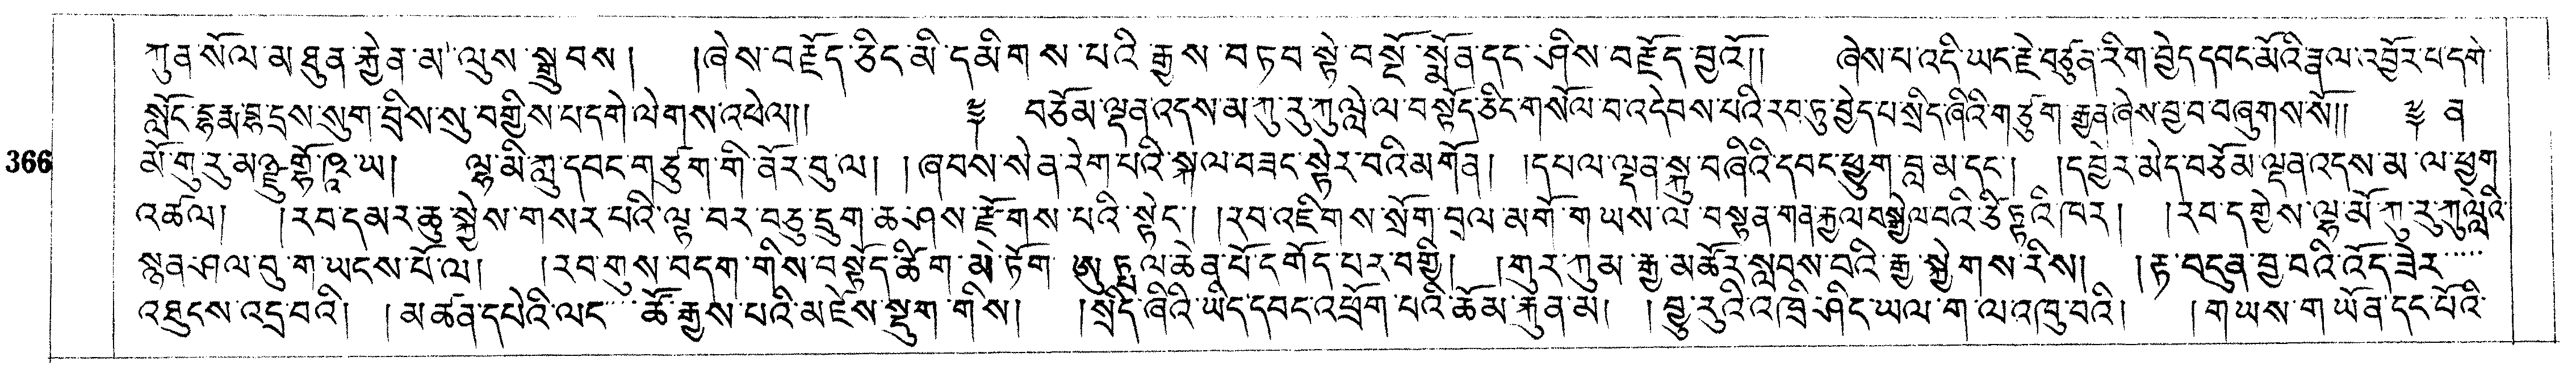ཀུན་སོལ་མཐུན་རྐྱེན་མ་ལུས་སྒྲུབས། །ཞེས་བརྗོད་ཅིང་མི་དམིགས་པའི་རྒྱས་བཏབ་སྟེ་བསྔོ་སྨོན་དང་ཤིས་བརྗོད་བྱའོ།། ཞེས་པ་འདི་ཡང་རྗེ་བཙུན་རིག་བྱེད་དབང་མོའི་རྣལ་འབྱོར་པ་དགེ་
སློང་དྷརྨ་བྷ་དྲས་སུག་བྲིས་སུ་བགྱིས་པ་དགེ་ལེགས་འཕེལ།། ༈ བཅོམ་ལྡན་འདས་མ་ཀུ་རུ་ཀུལླེ་ལ་བསྟོད་ཅིང་གསོལ་བ་འདེབས་པའི་རབ་ཏུ་བྱེད་པ་སྲིད་ཞིའི་གཙུག་རྒྱན་ཞེས་བྱ་བ་བཞུགས་སོ།། ༈ ན་
མོ་གུ་རུ་མཉྫུ་གྷོ་ཥཱ་ཡ། ལྷ་མི་ཀླུ་དབང་གཙུག་གི་ནོར་བུ་ལ། །ཞབས་སེན་རེག་པའི་སྐལ་བཟང་སྟེར་བའི་མགོན། །དཔལ་ལྡན་སྐུ་བཞིའི་དབང་ཕྱུག་བླ་མ་དང་། །དབྱེར་མེད་བཅོམ་ལྡན་འདས་མ་ལ་ཕྱག་
འཚལ། །རབ་དམར་ཆུ་སྐྱེས་གསར་པའི་ལྟ་བར་བཅུ་དྲུག་ཆ་ཤས་རྫོགས་པའི་སྟེང་། །རབ་འཇིགས་སྲོག་བྲལ་མགོ་གཡས་ལ་བསྟན་གན་རྐྱལ་བསྒྱེལ་བའི་ཙིཏྟཱི་ཁར། །རབ་དགྱེས་ལྷ་མོ་ཀུ་རུ་ཀུལླེའི་
སྙན་ཤལ་བུ་ག་ཡངས་པོ་ལ། །རབ་གུས་བདག་གིས་བསྟོད་ཚིག་མེ་ཏོག་ཨུཏྤལ་ཆེན་པོ་དགོད་པར་བགྱི། །གུར་ཀུམ་རྒྱ་མཚོར་སླབས་བའི་རྒྱ་སྐྱེགས་རིས། །རྟ་བདུན་བྱ་བའི་འོད་ཟེར་
འཐུངས་འདྲ་བའི། །མཚན་དཔེའི་ལང་ཚོ་རྒྱས་པའི་མཛེས་སྡུག་གིས། །སྲིད་ཞིའི་ཡིད་དབང་འཕྲོག་པའི་ཆོམ་རྐུན་མ། །བྱུ་རུའི་འཁྲི་ཤིང་ཡལ་ག་ལ་འཁུ་བའི། །གཡས་གཡོན་དང་པོའི་